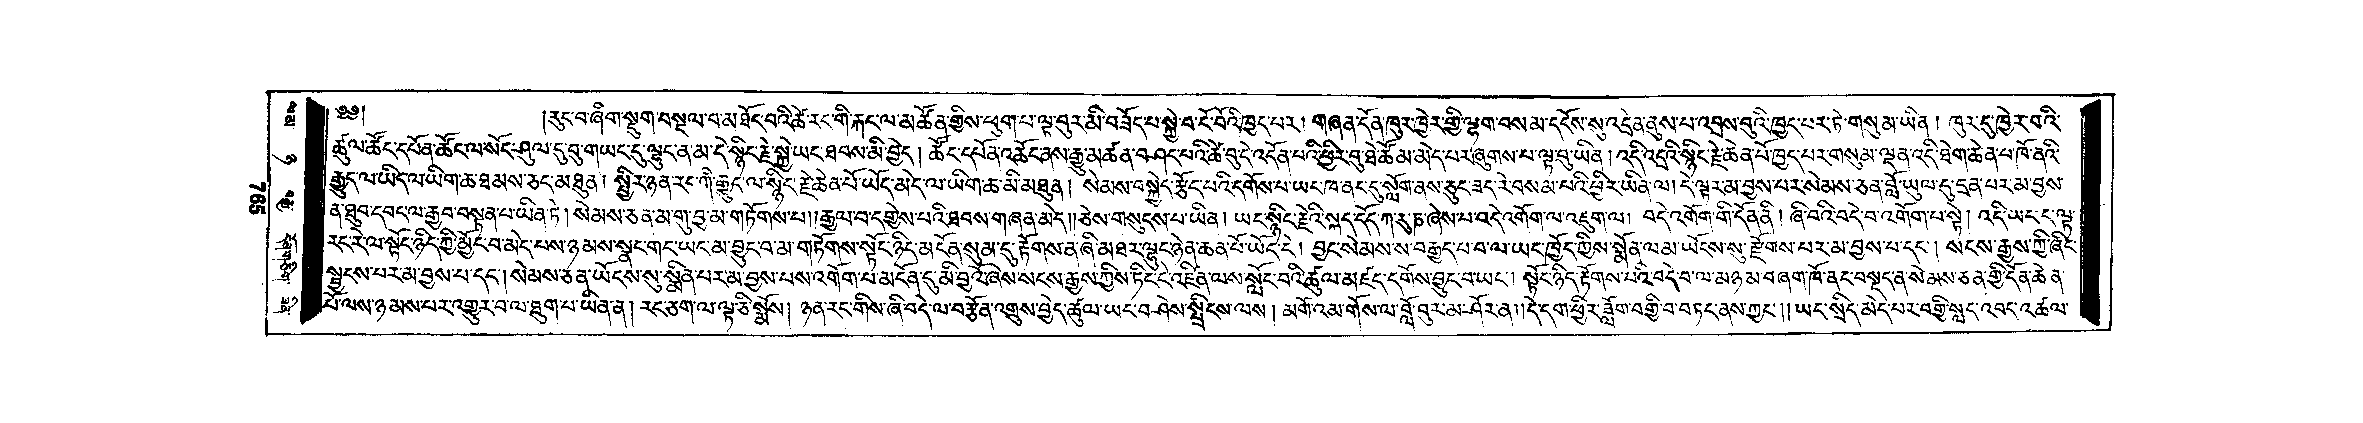༄༅། །རུང་བ་ཞིག་སྡུག་བསྔལ་བ་མཐོང་བའི་ཚེ་རང་གི་རྐང་ལ་མཚོན་གྱིས་ཕུག་པ་ལྟ་བུར་མི་བཟོད་པ་སྐྱེ་བ་ངོ་བོའི་ཁྱད་པར། གཞན་དོན་ཁུར་ཁྱེར་གྱི་ལྷག་བསམ་དངོས་སུ་འདྲེན་ནུས་པ་འབྲས་བུའི་ཁྱད་པར་ཏེ་གསུམ་ཡིན། ཁུར་དུ་ཁྱེར་བའི་
ཚུལ་ཚོང་དཔོན་ཚོང་ལ་སོང་ཤུལ་དུ་བུ་གཡང་དུ་ལྷུང་ན་མ་དེ་སྙིང་རྗེ་སྐྱེ་ཡང་ཐབས་མི་བྱེད། ཚོང་དཔོན་འཆོང་ནས་རྒྱུ་མཚན་བཤད་པའི་ཚེ་བུ་དེ་འདོན་པའི་ཕྱིར་བུ་ཐེ་ཚོམ་མེད་པར་ཞུགས་པ་ལྟ་བུ་ཡིན། འདི་འདྲའི་སྙིང་རྗེ་ཆེན་པོ་ཁྱད་པར་གསུམ་ལྡན་འདི་ཐེག་ཆེན་པ་ཁོ་ནའི་
རྒྱུད་ལ་ཡིད་ལ་ཡིག་ཆ་ཐམས་ཅད་མཐུན། སྤྱིར་ཉན་རང་གི་རྒྱུད་ལ་སྙིང་རྗེ་ཆེན་པོ་ཡོད་མེད་ལ་ཡིག་ཆ་མི་མཐུན། སེམས་བསྐྱེད་རྩོད་པའི་དགོས་པ་ཡང་ཁ་ནང་དུ་སློག་ནས་ཅུང་ཟད་རེ་བསམ་པའི་ཕྱིར་ཡིན་ལ། དེ་ལྟར་མ་བྱས་པར་སེམས་ཅན་བློ་ཡུལ་དུ་དྲན་པར་མ་བྱས་
ན་ཐུབ་དབང་ལ་རྒྱབ་བསྟན་པ་ཡིན་ཏེ། སེམས་ཅན་མ་གུ་བྱ་མ་གཏོགས་པ། །རྒྱལ་བ་དགྱེས་པའི་ཐབས་གཞན་མེད། །ཅེས་གསུངས་པ་ཡིན། ཡང་སྙིང་རྗེའི་སྐད་དོད་ཀ་རུ་ཎ་ཞེས་པ་བདེ་འགོག་ལ་འཇུག་ལ། བདེ་འགོག་གི་དོན་ནི། ཞི་བའི་བདེ་བ་འགོག་པ་སྟེ། འདི་ཡང་ད་ལྟ་
རང་རེ་ལ་སྟོང་ཉིད་ཀྱི་མྱོང་བ་མེད་པས་ཉམས་སྣང་གང་ཡང་མ་བྱུང་བ་མ་གཏོགས་སྟོང་ཉིད་མངོན་སུམ་དུ་རྟོགས་ན་ཞི་མཐར་ལྷུང་ཉེན་ཆན་པོ་ཡོད་དེ། བྱང་སེམས་ས་བརྒྱད་པ་བ་ལ་ཡང་ཁྱོད་ཀྱིས་སྨོན་ལམ་ཡོངས་སུ་རྫོགས་པར་མ་བྱས་པ་དང་། སངས་རྒྱས་ཀྱི་ཞིང་
སྦྱངས་པར་མ་བྱས་པ་དང་། སེམས་ཅན་ཡོངས་སུ་སྨིན་པར་མ་བྱས་པས་འགོག་པ་མངོན་དུ་མི་བྱའོ་ཞེས་སངས་རྒྱས་ཀྱིས་ཏིང་ངེ་འཛིན་ལས་སློང་བའི་ཚུལ་མཛད་དགོས་བྱུང་བ་ཡང་། སྟོང་ཉིད་རྟོགས་པའི་བདེ་བ་ལ་མཉམ་བཞག་ཁོ་ནང་བསྡད་ན་སེམས་ཅན་གྱི་དོན་ཆེན་
པོ་ལས་ཉམས་པར་འགྱུར་བ་ལ་ཐུག་པ་ཡིན་ན། རང་ཅག་ལ་ལྟ་ཅི་སྨོས། ཉན་རང་གིས་ཞི་བདེ་ལ་བརྩོན་འགྲུས་བྱེད་ཚུལ་ཡང་བཤེས་སྤྲིངས་ལས། མགོའམ་གོས་ལ་བློ་བུར་མ་ཤོར་ན། །དེ་དག་ཕྱིར་ཟློག་བགྱི་བ་བཏང་ནས་ཀྱང་། །ཡང་སྲིད་མེད་པར་བགྱི་སླད་འབད་འཚལ་